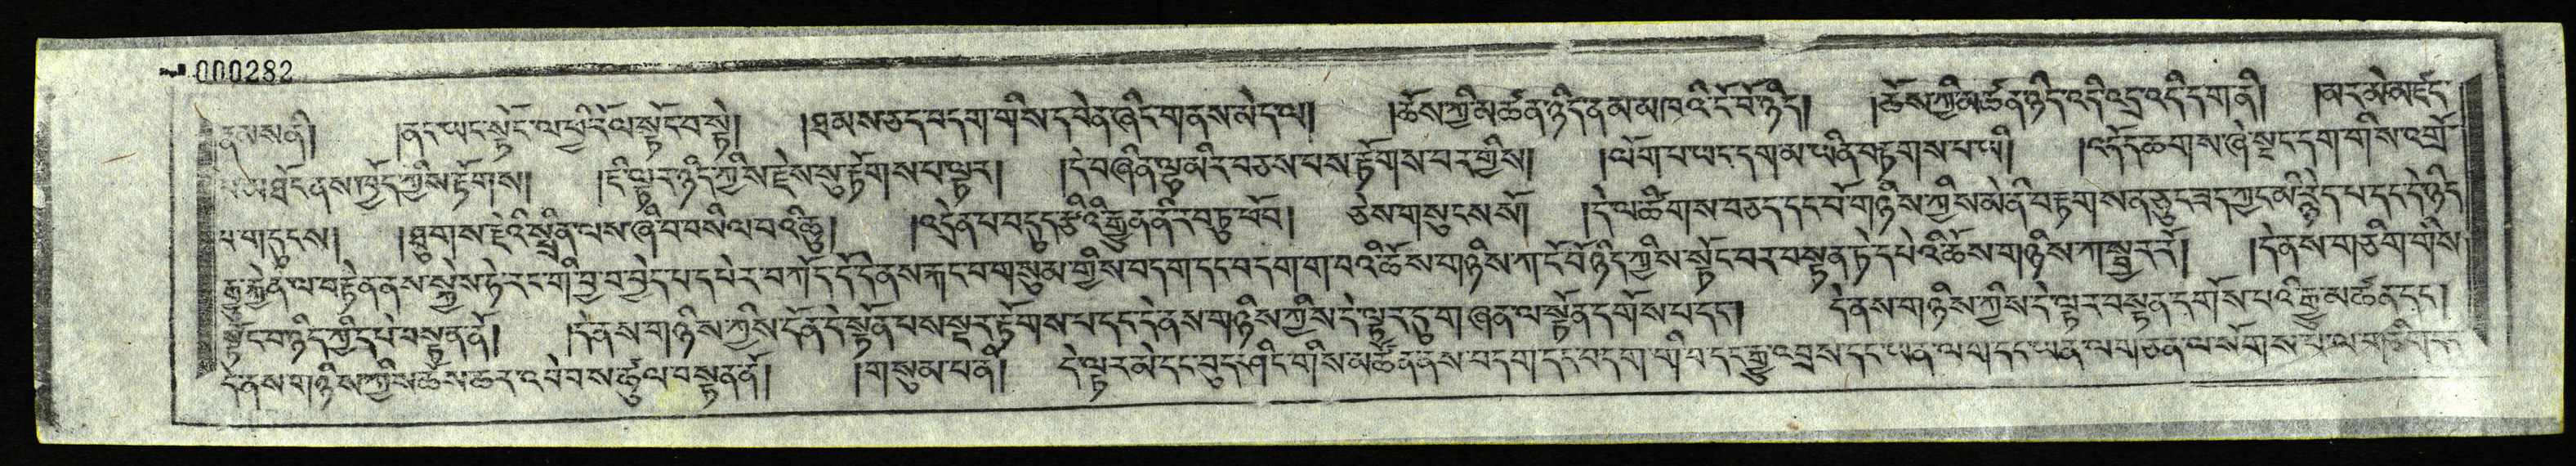རྣམས་ནི། །ནང་ཡང་སྟོང་ལ་ཕྱི་རོལ་སྟོང་བ་སྟེ། །ཐམས་ཅད་བདག་གིས་དབེན་ཞིང་གནས་མེད་ལ། །ཆོས་ཀྱི་མཚན་ཉིད་ནམ་མཁའི་ངོ་བོ་ཉིད། །ཆོས་ཀྱི་མཚན་ཉིད་འདི་འདྲ་འདི་དག་ནི། །མར་མེ་མཛད་
པ་མཐོང་ནས་ཁྱོད་ཀྱིས་རྟོགས། །ཇི་ལྟར་ཉིད་ཀྱིས་རྗེས་སུ་རྟོགས་པ་ལྟར། །དེ་བཞིན་ལྷ་མིར་བཅས་པས་རྟོགས་བར་གྱིས། །ལོག་པ་ཡང་དག་མ་ཡིན་བརྟགས་པ་ཡི། །འདོད་ཆགས་ཞེ་སྡང་དག་གིས་འགྲོ་
པ་གདུངས། །ཐུགས་རྗེའི་སྤྲིན་ལས་ཞི་བ་བསིལ་བའི་ཆུ། །འདྲེན་པ་བདུད་རྩིའི་རྒྱུན་ནི་རབ་ཏུ་ཕོབ། ཅེས་གསུངས་སོ། །དེ་ལ་ཚིགས་བཅད་དང་པོ་གཉིས་ཀྱིས་མེ་ནི་བརྟགས་ན་ཅུང་ཟད་ཀྱང་མི་རྙེད་པ་དང་དེ་ཉིད་
རྒྱུ་རྐྱེན་ལ་བརྟེན་ནས་སྐྱེས་ཏེ་རང་གི་བྱ་བ་བྱེད་པ་དཔེར་བཀོད་དོ་དེ་ནས་རྐང་པ་གསུམ་གྱིས་བདག་དང་བདག་ག་བའི་ཆོས་གཉིས་ཀ་ངོ་བོ་ཉིད་ཀྱིས་སྟོང་པར་བསྟན་ཏེ་དཔེའི་ཆོས་གཉིས་ཀ་སྦྱར་རོ། །དེ་ནས་གཅིག་གིས་
སྟོང་བ་ཉིད་ཀྱི་དཔེ་བསྟན་ནོ། །དེ་ནས་གཉིས་ཀྱིས་དོན་དེ་སྟོན་པས་སྔར་རྟོགས་པ་དང་དེ་ནས་གཉིས་ཀྱིས་དེ་ལྟར་དུ་གཞན་ལ་སྟོན་དགོས་པ་དང་། དེ་ནས་གཉིས་ཀྱིས་དེ་ལྟར་བསྟན་དགོས་པའི་རྒྱུ་མཚན་དང་།
དེ་ནས་གཉིས་ཀྱིས་ཆོས་ཆར་འབེབས་ཚུལ་བསྟན་ནོ། །གསུམ་པ་ནི། དེ་ལྟར་མེ་དང་བུད་ཤིང་གིས་མཚོན་ནས་བདག་དང་བདག་གི་བ་དང་རྒྱུ་འབྲས་དང་ཡན་ལག་དང་ཡན་ལག་ཅན་ལ་སོགས་པ་ལ་གཅིག་དང་